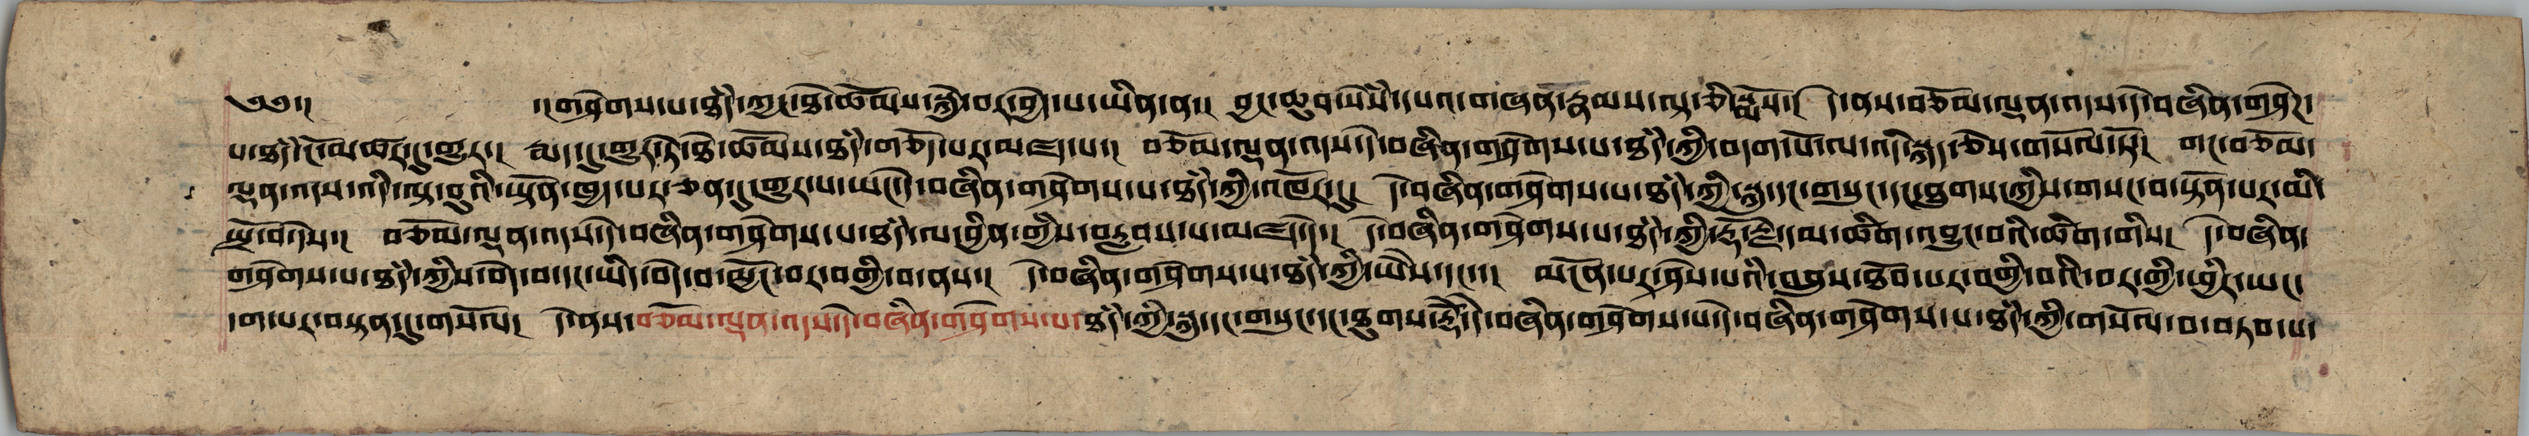༄༅་། ་།གཤེགས་པ་ཐཾད་ཀྱང་ཐེ་ཚོམས་སྐྱེ་བར་བྱེད་པ་ཡིན་ན་། བྱང་ཆུབ་སེཾས་དཔའ་གཞན་རྣམས་ལྟ་ཅི་སྨོས་། དེ་ནས་བཅོམ་ལྡན་འདས་དེ་བཞིན་གཤེཌ་
པ་ཐཾད་ངོ་མཚར་དུ་གྱུར་། རྨད་དུ་གྱུར་ཏེ་ཐེ་ཚོམས་ཐཾད་གཅོད་པར་མཛད་པ་། བཅོམ་ལྡན་འདས་དེ་བཞིན་གཤེགས་པ་ཐཾད་ཀྱི་བདག་པོ་ལ་འདི་སྐད་ཅེས་གསོལ་ཏོ་། གང་བཅོམ་
ལྡན་འདས་འདི་ལྟ་བུའི་ཡྟོན་ཁྱད་པར་ཅན་དུ་གྱུར་པ་ཡང་དེ་བཞིན་གཤེགས་པ་ཐཾད་ཀྱི་འཁོར་དུ། དེ་བཞིན་གཤེགས་པ་ཐཾད་ཀྱི་སྐུ་དང་གསུང་དང་ཐུགས་ཀྱིས་གསང་བ་སྟོན་པར་མི་
སྤྲོ་བ་དེས་། བཅོམ་ལྡན་འདས་དེ་བཞིན་གཤེགས་པ་ཐཾད་ལ་བྱིན་གྱིས་བརླབས་པ་མཛད་དེ་། དེ་བཞིན་གཤེགས་པ་ཐཾད་ཀྱི་རྡོ་རྗེ་དམ་ཚིག་འབྱུང་བའི་ཚིག་གིས་། དེ་བཞིན་
གཤེགས་པ་ཐཾད་ཀྱིས་བདེ་བ་དང་ཡིད་བདེ་བ་མྱོང་བར་བགྱི་བ་ནས་། དེ་བཞིན་གཤེགས་པ་ཐཾད་ཀྱི་ཡཻས་དང་་། མངོན་པར་ཤེས་པའི་འབྲུས་ཐོབ་པར་བགྱི་བའི་བར་གྱི་ཕྱིར་ཡང་
དག་པར་བསྟན་དུ་གསོལ་། དེ་ནས་བཅོམ་ལྡན་འདས་དེ་བཞིན་གཤེགས་པ་ཐཾད་ཀྱི་སྐུ་དང་གསུང་དང་ཐུགས་རྡོེ་དེ་བཞིན་གཤེགས་པ་དེ་བཞིན་གཤེགས་པ་ཐཾད་ཀྱི་གསོལ་བ་བཏབ་པ་